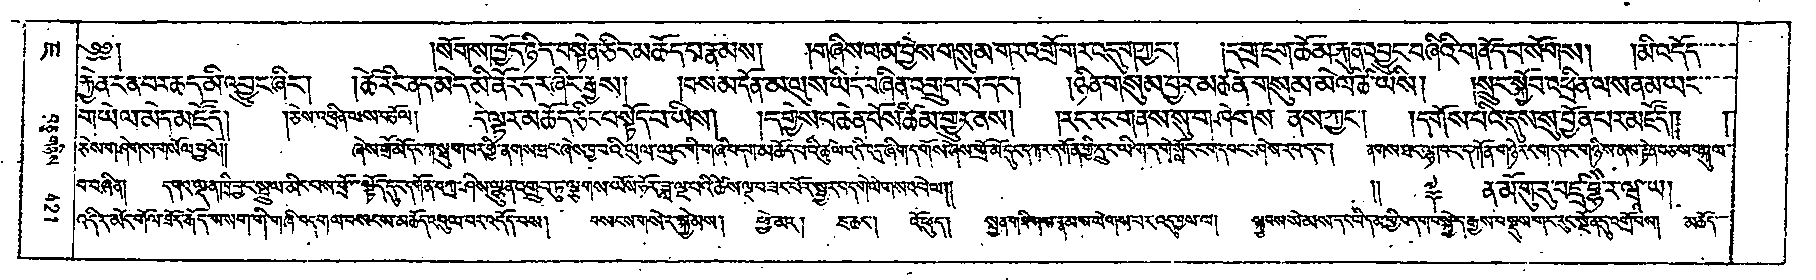༄༅། །སོགས་ཁྱོད་ཉིད་བསྟེན་ཅིང་མཆོད་པ་རྣམས། །གཞིས་ལམ་བྱེས་གསུམ་གར་འགྲོ་གར་འདུག་ཀྱང་། །དགྲ་ཇག་ཆོམ་རྐུན་འབྱུང་བཞིའི་གནོད་པ་སོགས། །མི་འདོད་
རྐྱེན་ངན་བར་ཆད་མི་འབྱུང་ཞིང་། །ཚེ་རིང་ནད་མེད་མི་ནོར་དར་ཞིང་རྒྱས། །བསམ་དོན་མ་ལུས་ཡིད་བཞིན་འགྲུབ་པ་དང་། །ཉིན་གསུམ་བྱར་མཚན་གསུམ་མེལ་ཚེ་ཡིས། །སྲུང་སྐྱོབ་འཕྲིན་ལས་ནམ་ཡང་
གཡེལ་མེད་མཛོད། ། ཅེས་འཕྲིན་ལས་བཅོལ།  དེ་ལྟར་མཆོད་ཅིང་བསྟོད་པ་ཡིས། །དགྱེས་པ་ཆེན་པོས་ཚིམ་གྱུར་ནས། །རང་རང་གནས་སུ་གཤེགས་ནས་ཀྱང་། །དགོས་པའི་དུས་སུ་བྱོན་པར་མཛོད།། །
ཅེས་གཤེགས་གསོལ་བྱའོ། །ཞེས་གྲོ་མོ་དང་ཀ་སྦུག་བར་གྱི་ནགས་ཐང་ཞེས་བྱ་བའི་ཡུལ་ལུང་གི་གཞི་བདག་མཆོད་པའི་ཚུལ་འདི་འདྲ་ཞིག་དགོས་ཞེས་གྲོ་མོ་དུང་དཀར་དགོན་གྱི་དྲུང་ཡིག་དགེ་སློང་ངག་དབང་ཤེས་རབ་དང་། ནགས་ཐང་ལྷ་ཁང་དཀོན་གཉེར་ངག་དབང་གཉིས་ནས་རྟེན་བཅས་བསྐུལ་
བ་བཞིན། དགའ་ལྡན་ཁྲི་བྱང་སྤྲུལ་མིང་པས་གྲོ་སྟོད་དུང་དགོན་བཀྲ་ཤིས་ལྷུན་འགྲུབ་ཏུ་ལྕགས་ཡོས་ཧོར་ཟླ་ལྔ་པའི་ཚེས་ལྔ་བཟང་པོར་སྦྱར་བ་དགེ་ལེགས་འཕེལ།། །། ༈ ན་མོ་གུ་རུ་བཛྲ་བྷཻ་ར་ཝཱ་ཡ།
འདིར་མོང་གོལ་ཐོར་རྒོད་ས་སག་གི་གཞི་བདག་ལ་བསངས་མཆོད་འབུལ་བར་འདོད་པས། བསངས་གསེར་སྐྱེམས། ཕྱེ་མར། ཇ་ཆང་། འོ་ཕུད། སྤྱན་གཟིགས་རྣམས་ལེགས་པར་འདུ་བྱས་ལ། སྐྱབས་སེམས་དང་ཡི་དམ་གྱི་བདག་བསྐྱེད་རྒྱས་བསྡུས་གང་རུང་སྔོན་དུ་འགྲོ་བས། མཆོད་